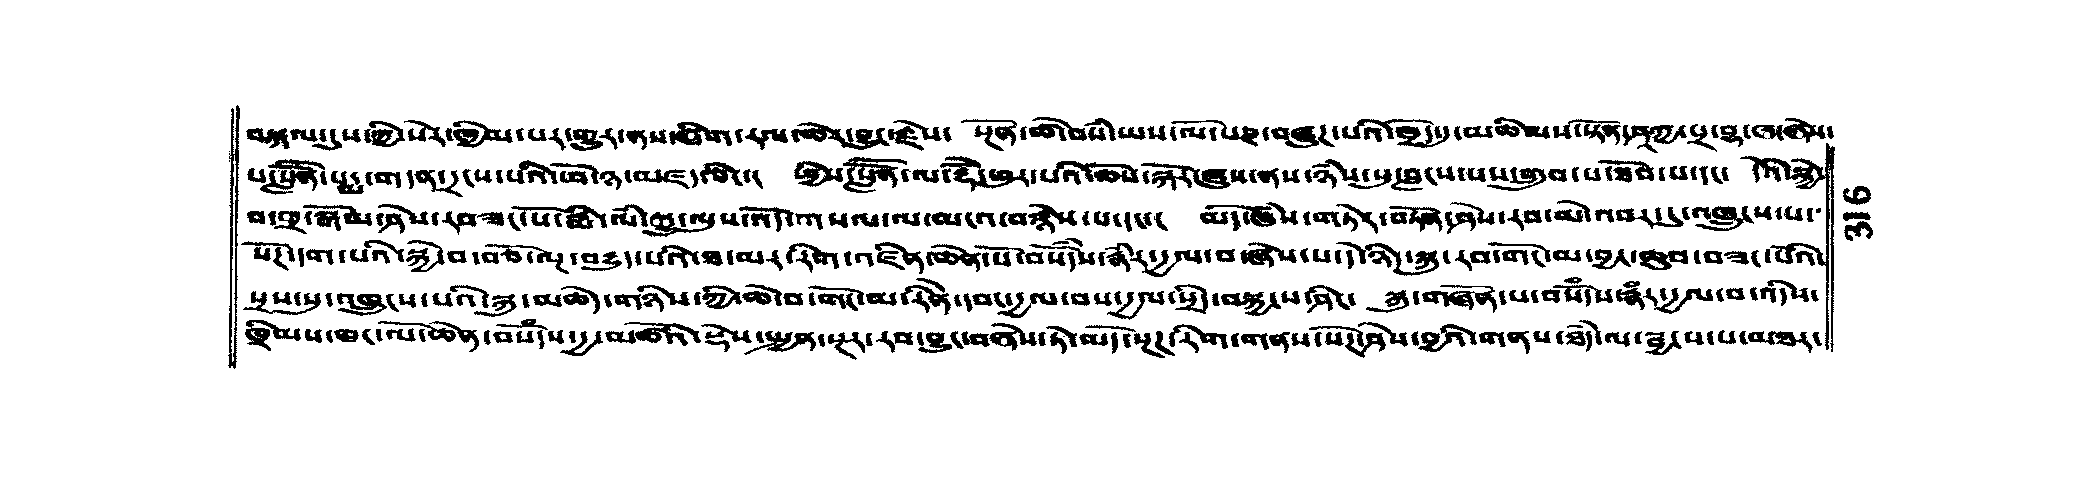བསྐལ་དུས་ཀྱི་སེར་ཁྱིམ་པར་གྱུར་ནས་ཞིག་རལ་ཆེར་བྱུང་རྗེས། སྔོན་ཚེ་བསམ་ཡས་ལོ་པཎ་བཞུགས་པའི་ཁྲོད་དུ་མཆིམས་སྟོན་ཤཱཀྱ་པྲ་བྷ་ཝ་ཞེས་
པ་སློབ་དཔོན་པདྨ་གདན་དྲངས་པའི་ཕོ་ཉ་མཛད་ཅིང་། ཕྱིས་སློབ་དཔོན་ལ་རྡོ་རྗེ་ཕུར་པའི་ཆོས་སྐོར་ཞུས་ནས་ཉམས་སུ་བླངས་པས་གྲུབ་པ་ཐོབ་པ་དང་། དེའི་སྐྱེ་
བ་གྲྭ་སྒོམ་ཤེས་རབ་བཟང་པོ་རྨི་ལམ་སྒྱུ་ལུས་འོད་གསལ་ལ་མངའ་བརྙེས་པ་དང་། མདོ་ཁམས་གཏེར་སྟོན་ཤེས་རབ་མེ་འབར་དུ་འཁྲུངས་པ་
སོགས་དག་པའི་སྐྱེ་བ་བཅོ་ལྔ་བརྒྱུད་པའི་ཐ་མར་རིག་འཛིན་ཆེན་པོ་བསོད་ནམས་རྣམ་པར་རྒྱལ་བ་ཞེས་པ་དེ་ཉིད་སྐུ་རབས་གོང་མ་བྱང་ཆུབ་བཟང་པོའི་
སྲས་སུ་འཁྲུངས་པའི་སྐུ་མཆེད་གཉིས་ཀྱི་ཆེ་བ་གོང་མ་རིན་ཆེན་དབང་རྒྱལ་བས་རྒྱལ་སྲིད་བསྐྱངས་ཤིང་།སྐུ་གཞོན་པ་བསོད་ནམས་རྣམ་པར་རྒྱལ་བ་འདིས་
ཁྲིམས་ཁང་ལོ་ཆེན་བསོད་ནམས་རྒྱ་མཚོའི་སྡེའི་སྤྱན་སྔར་རབ་བྱུང་བཞེས་ཏེ་མདོ་སྔགས་རིག་གནས་སོགས་ཤེས་བྱའི་གནས་ཐམས་ཅད་ལ་སྦྱངས་པ་མཐར་